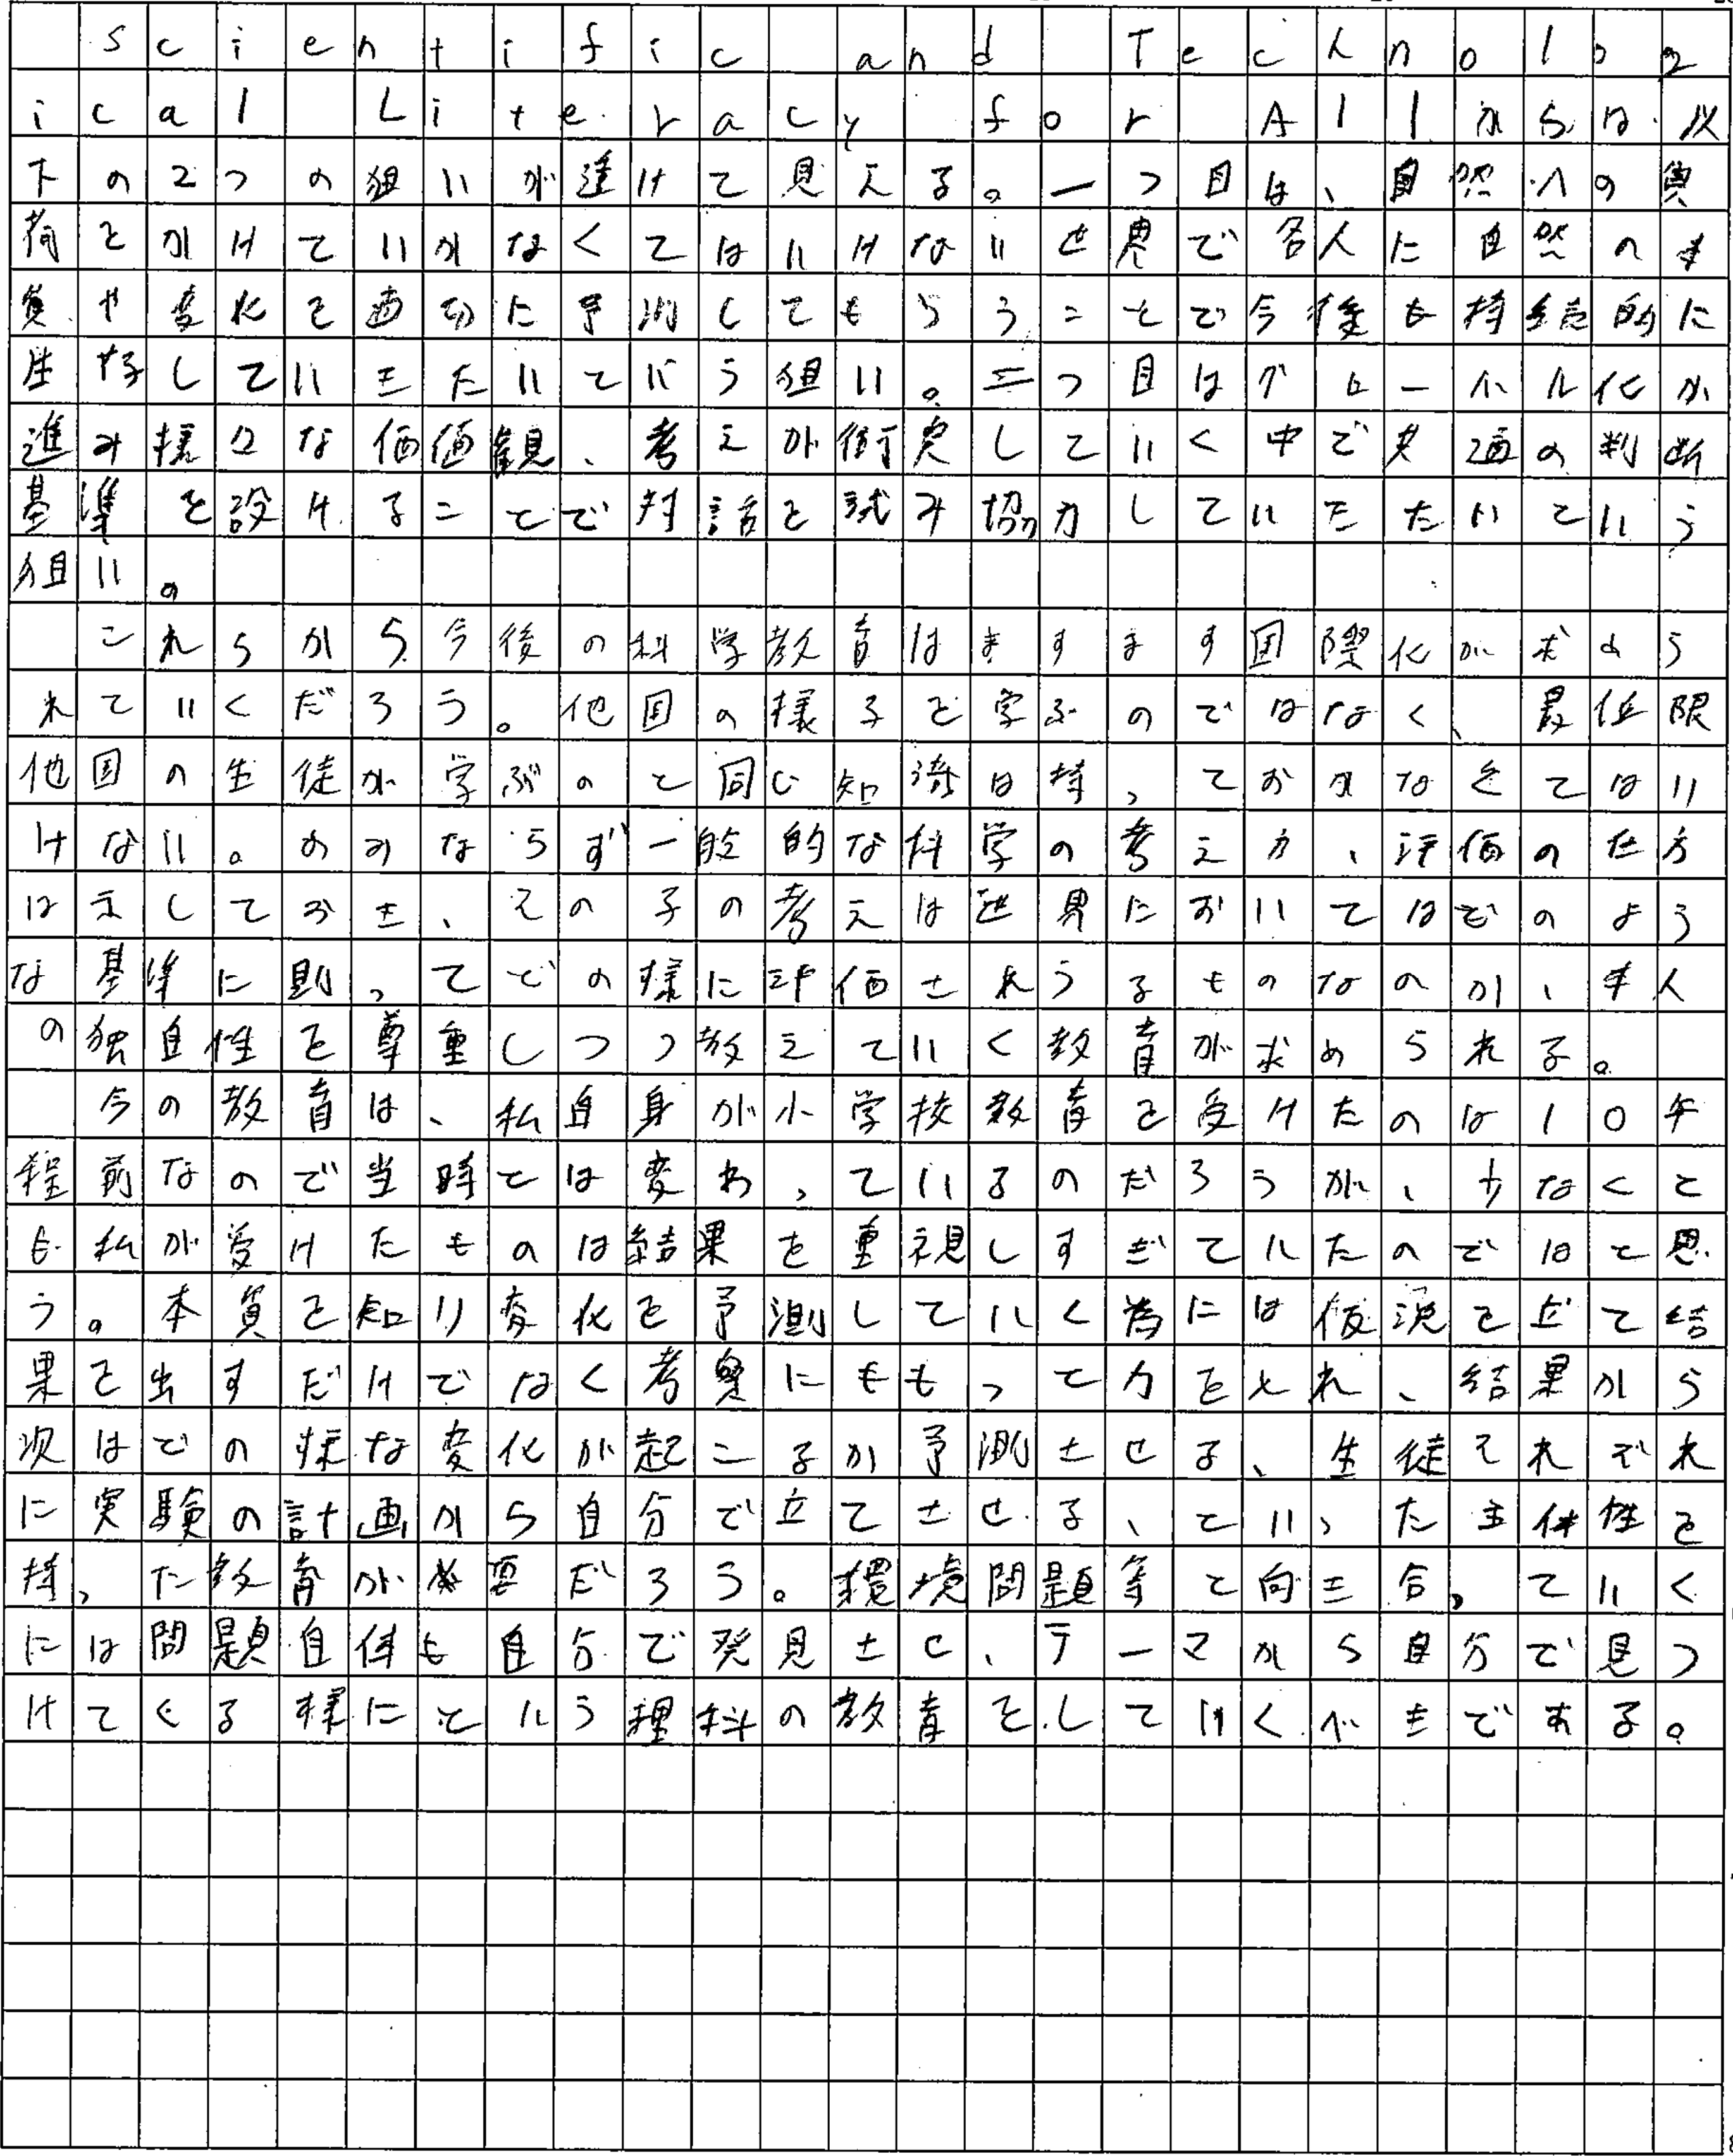　Ｓｃｉｅｎｔｉｆｉｃ　ａｎｄ　Ｔｅｃｈｎｏｌｏｇｉｃａｌ　Ｌｉｔｅｒａｃｙ　ｆｏｒ　Ａｌｌからは以下の２つの狙いが透けて見える。一つ目は、自然への負荷をかけていかなくてはいけない世界で各人に自然の本質や変化を適切に予測してもらうことで今後も持続的に生存していきたいという狙い。二つ目はグローバル化が進み様々な価値観、考えが衝突していく中で共通の判断基準を設けることで対話を試み協力していたたいという狙い。
　これらから今後の科学教育はますます国際化が求められていくだろう。他国の様子を学ぶのではなく、最▁限他国の生徒が学ぶのと同じ知識は持っておかなくてはいけない。のみならず一般的な科学の考え方、評価の仕方は示しておき、その子の考えは世界においてはどのような基準に則ってどの様に評価されうるものなのか、本人の独自性を尊重しつつ教えていく教育が求められる。
　今の教育は、私自身が小学校教育を受けたのは１０年程前なので当時とは変わっているのだろうが、少なくとも私が受けたものは結果を重視しすぎていたのではと思う。本質を知り変化を予測していく為には仮説を立て結果を出すだけでなく考察にももっと力を入れ、結果から次はどの様な変化が起こるか予測させる、生徒それぞれに実験の計画から自分で立てさせる、といった主体性を持った教育が必要だろう。環境問題等と向き合っていくには問題自体も自分で発見させ、テーマから自分で見つけてくる様にという理科の教育をしていくべきである。
